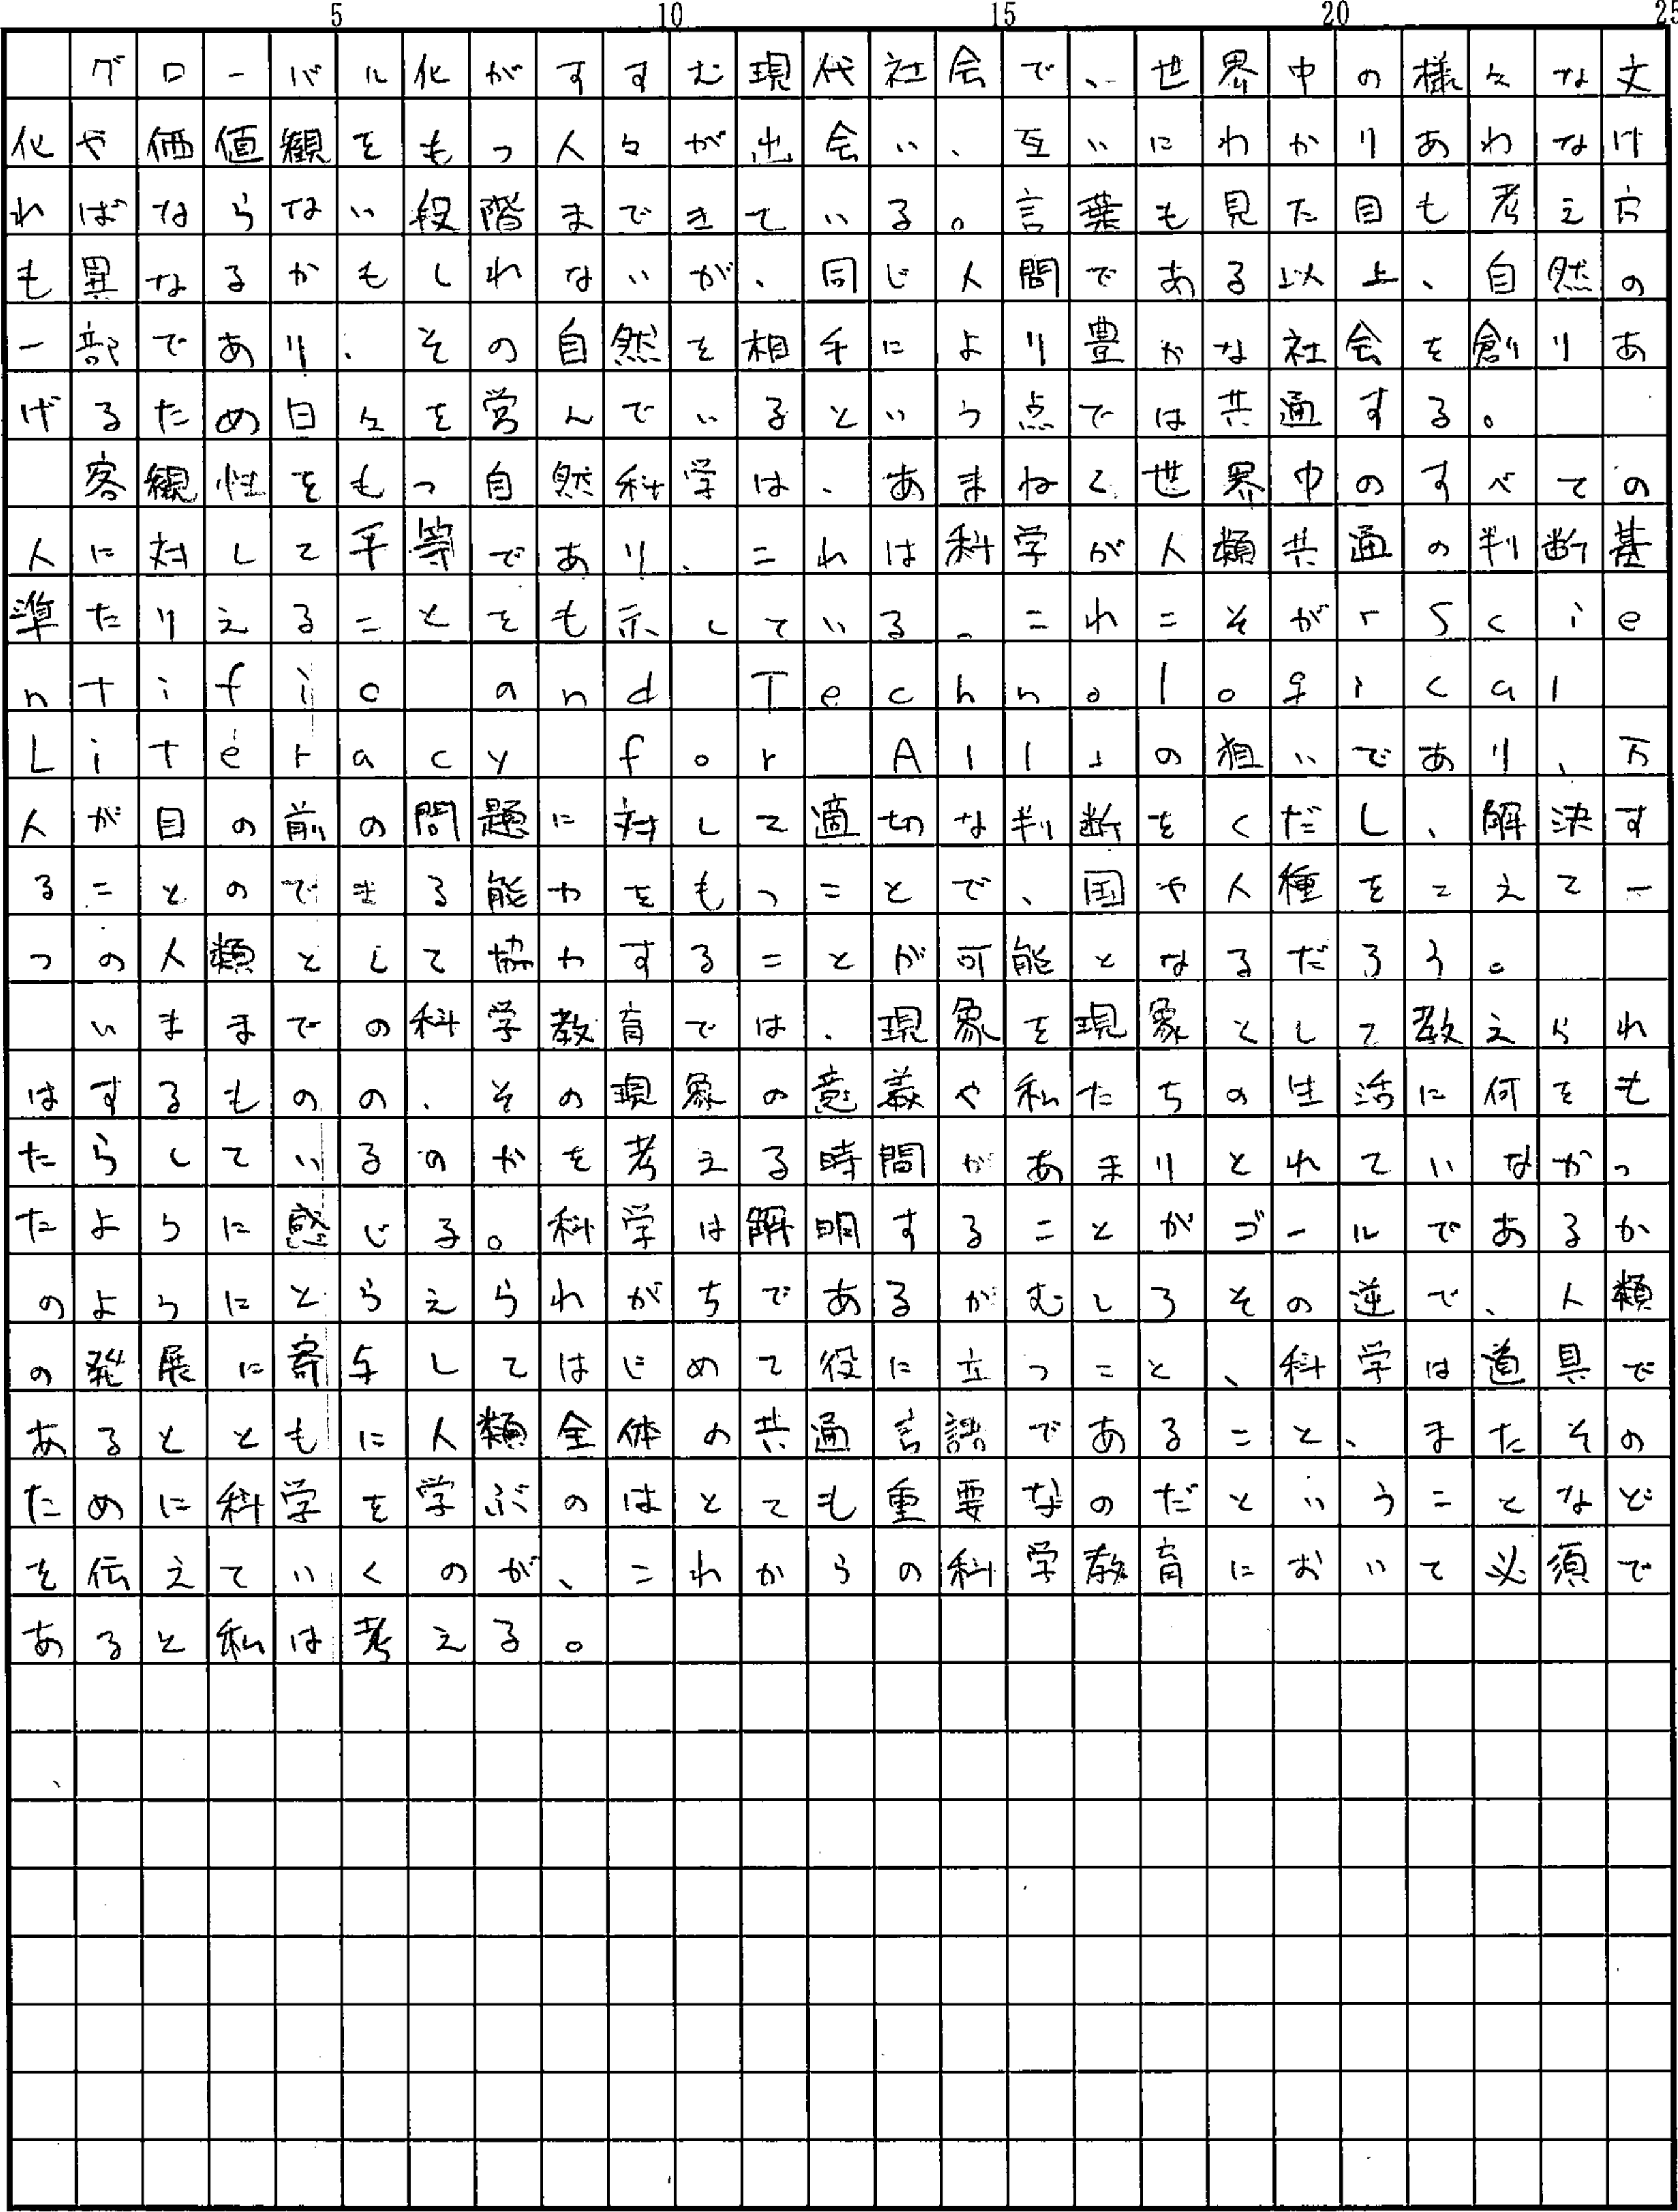　グローバル化がすすむ現代社会で、世界中の様々な文化や価値観をもつ人々が出会い、互いにわかりあわなければならない段階まできている。言葉も見た目も考え方も異なるかもしれないが、同じ人間である以上、自然の一部であり、その自然を相手により豊かな社会を創りあげるため日々を営んでいるという点では共通する。
　客観性をもつ自然科学は、あまねく世界中のすべての人に対して平等であり、これは科学が人類共通の判断基準たりえることをも示している。これこそが「Ｓｃｉｅｎｔｉｆｉｃ　ａｎｄ　Ｔｅｃｈｎｏｌｏｇｉｃａｌ　Ｌｉｔｅｒａｃｙ　ｆｏｒ　Ａｌｌ」の狙いであり、万人が目の前の問題に対して適切な判断をくだし、解決することのできる能力をもつことで、国や人種をこえて一つの人類として協力することが可能となるだろう。
　いままでの科学教育では、現象を現象として教えられはするものの、その現象の意義や私たちの生活に何をもたらしているのかを考える時間があまりとれていなかったように感じる。科学は解明することがゴールであるかのようにとらえられがちであるがむしろその逆で、人類の発展に寄与してはじめて役に立つこと、科学は道具であるとともに人類全体の共通言語であること、またそのために科学を学ぶのはとても重要なのだということなどを伝えていくのが、これからの科学教育において必須であると私は考える。
